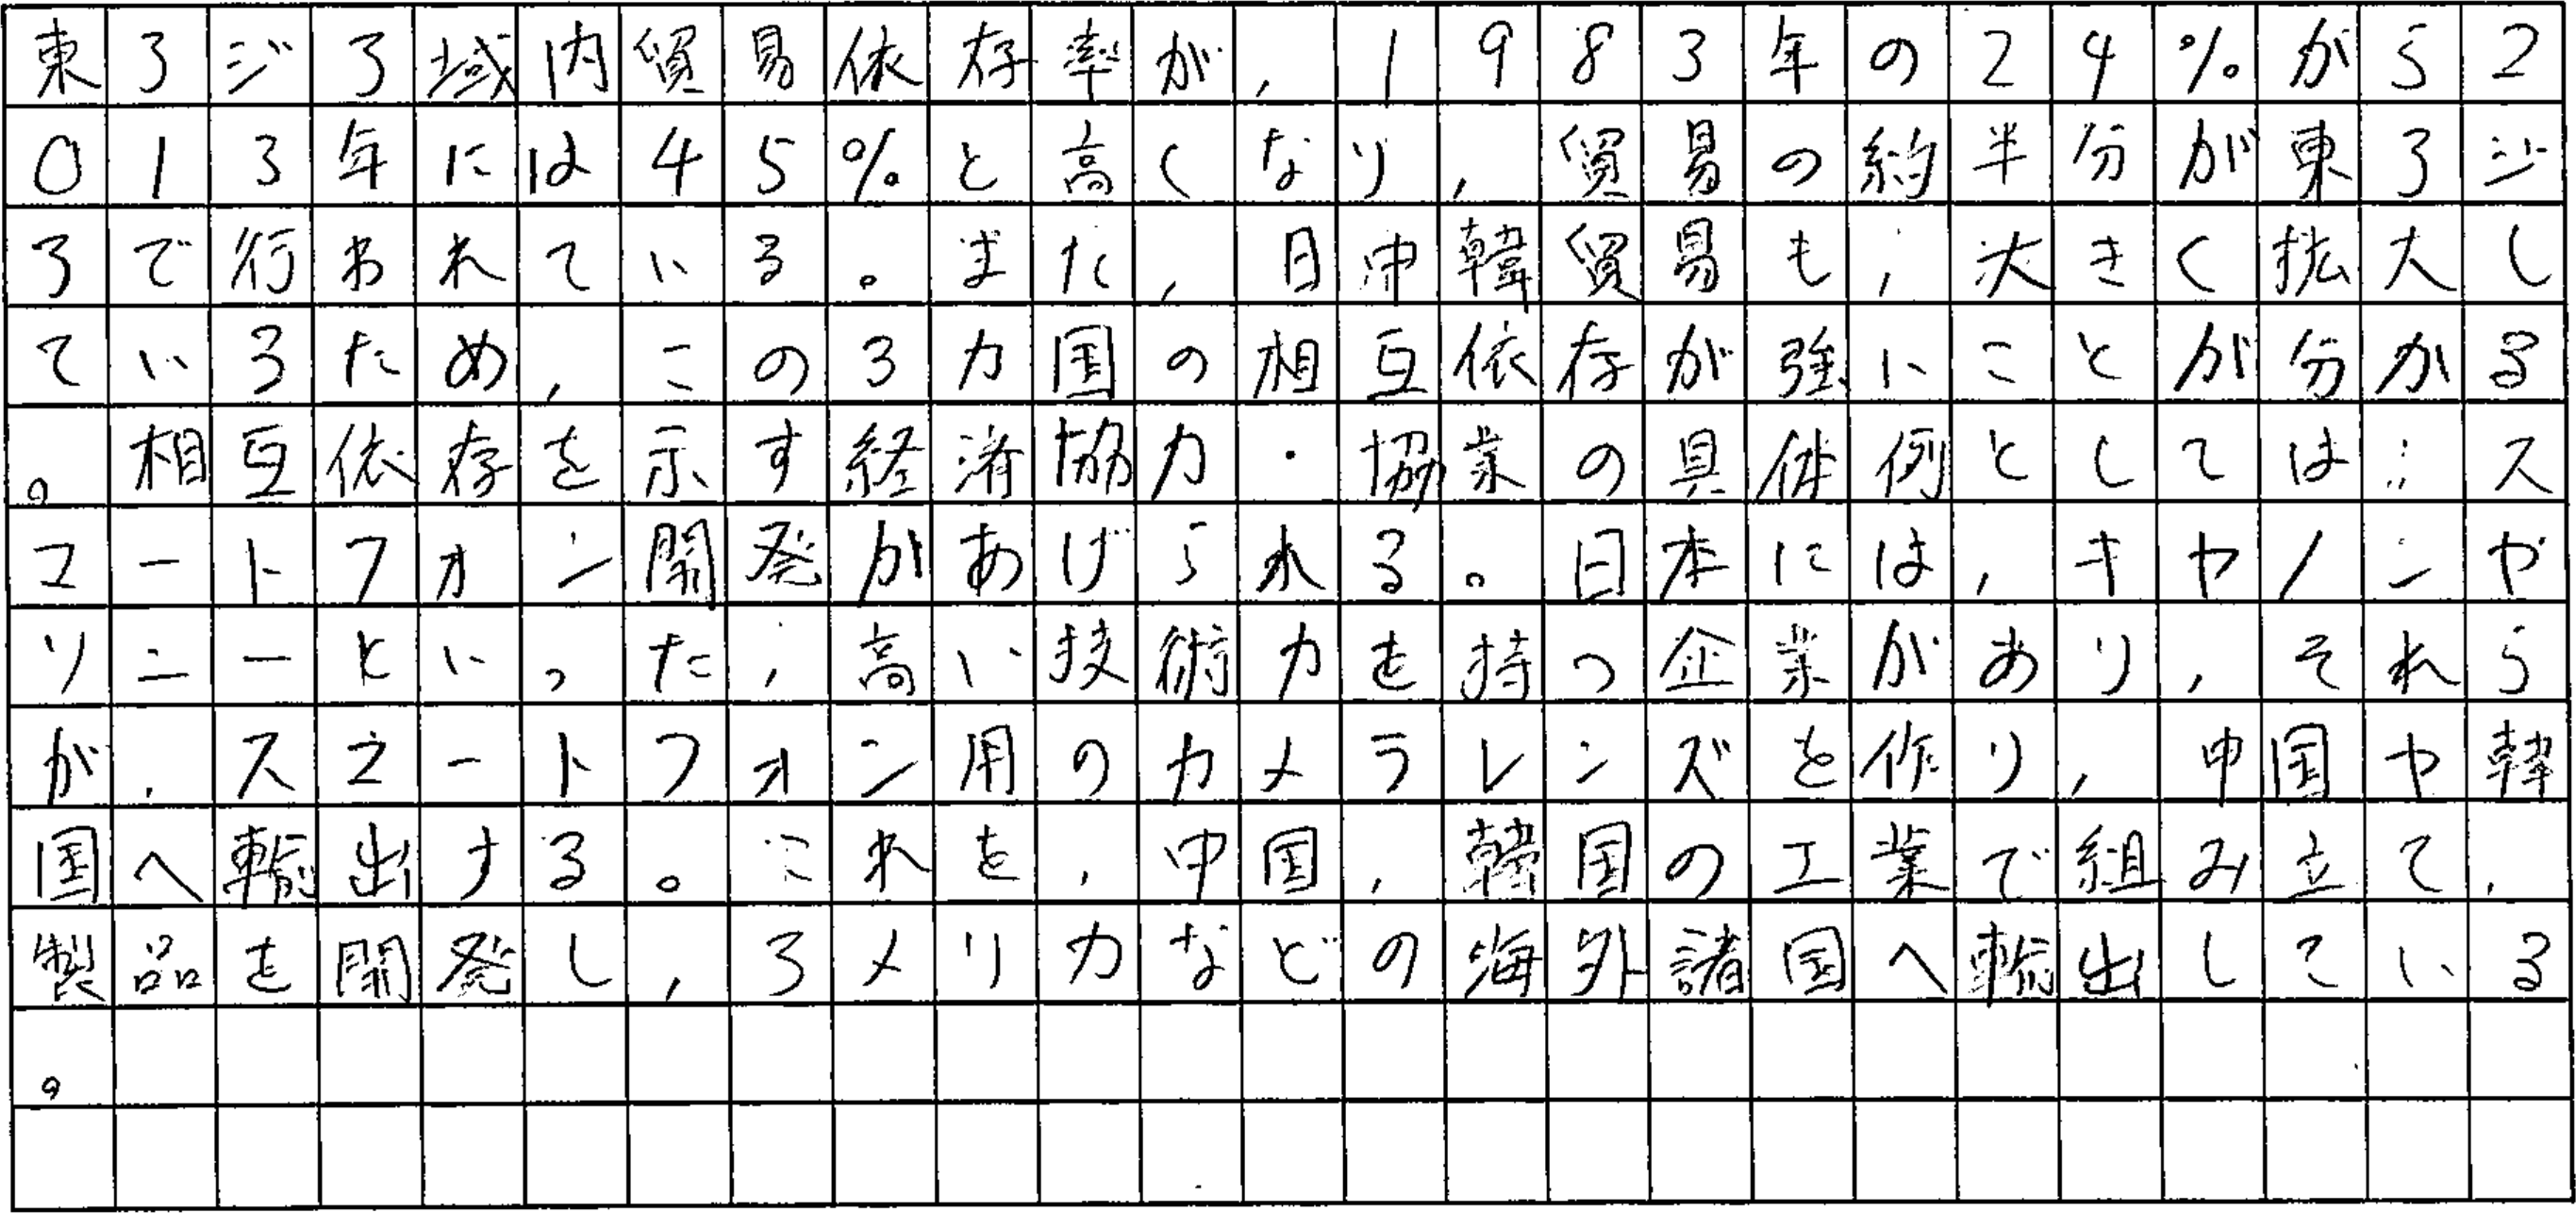東アジア域内貿易依存率が，１９８３年の２４％から２０１３年には４５％と高くなり，貿易の約半分が東アジアで行われている。また，日中韓貿易も，大きく拡大しているため，この３カ国の相互依存が強いことが分かる。相互依存を示す経済協力・協業の具体例としては，スマートフォン開発があげられる。日本には，キャノンやソニーといった，高い技術力を持つ企業があり，それらが，スマートフォン用のカメラレンズを作り，中国や韓国へ輸出する。これを，中国，韓国の工業で組み立て，製品を開発し，アメリカなどの海外諸国へ輸出している。
